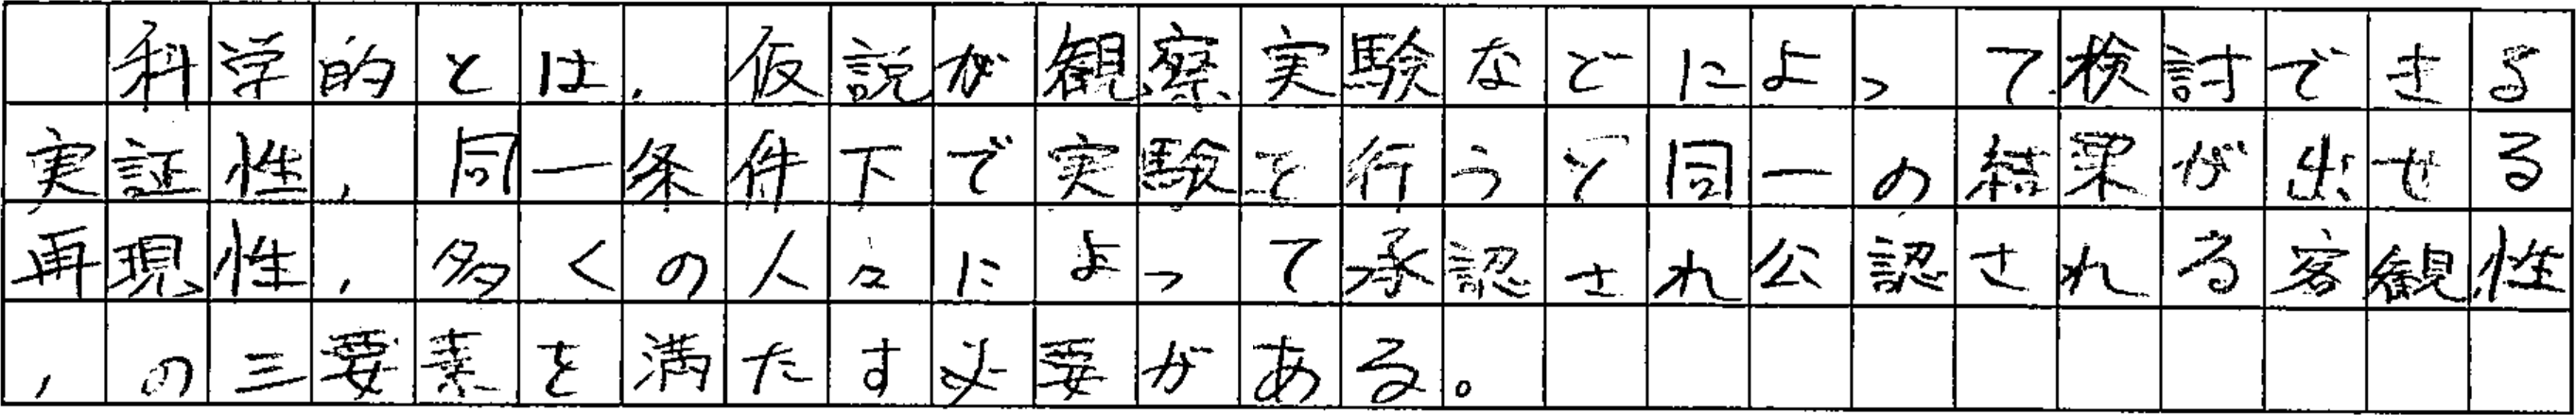　科学的とは、仮説が観察実験などによって検討できる実証性、同一条件下で実験を行うと同一の結果が出せる再現性、多くの人々によって承認され公認される客観性、の三要素を満たす必要がある。
